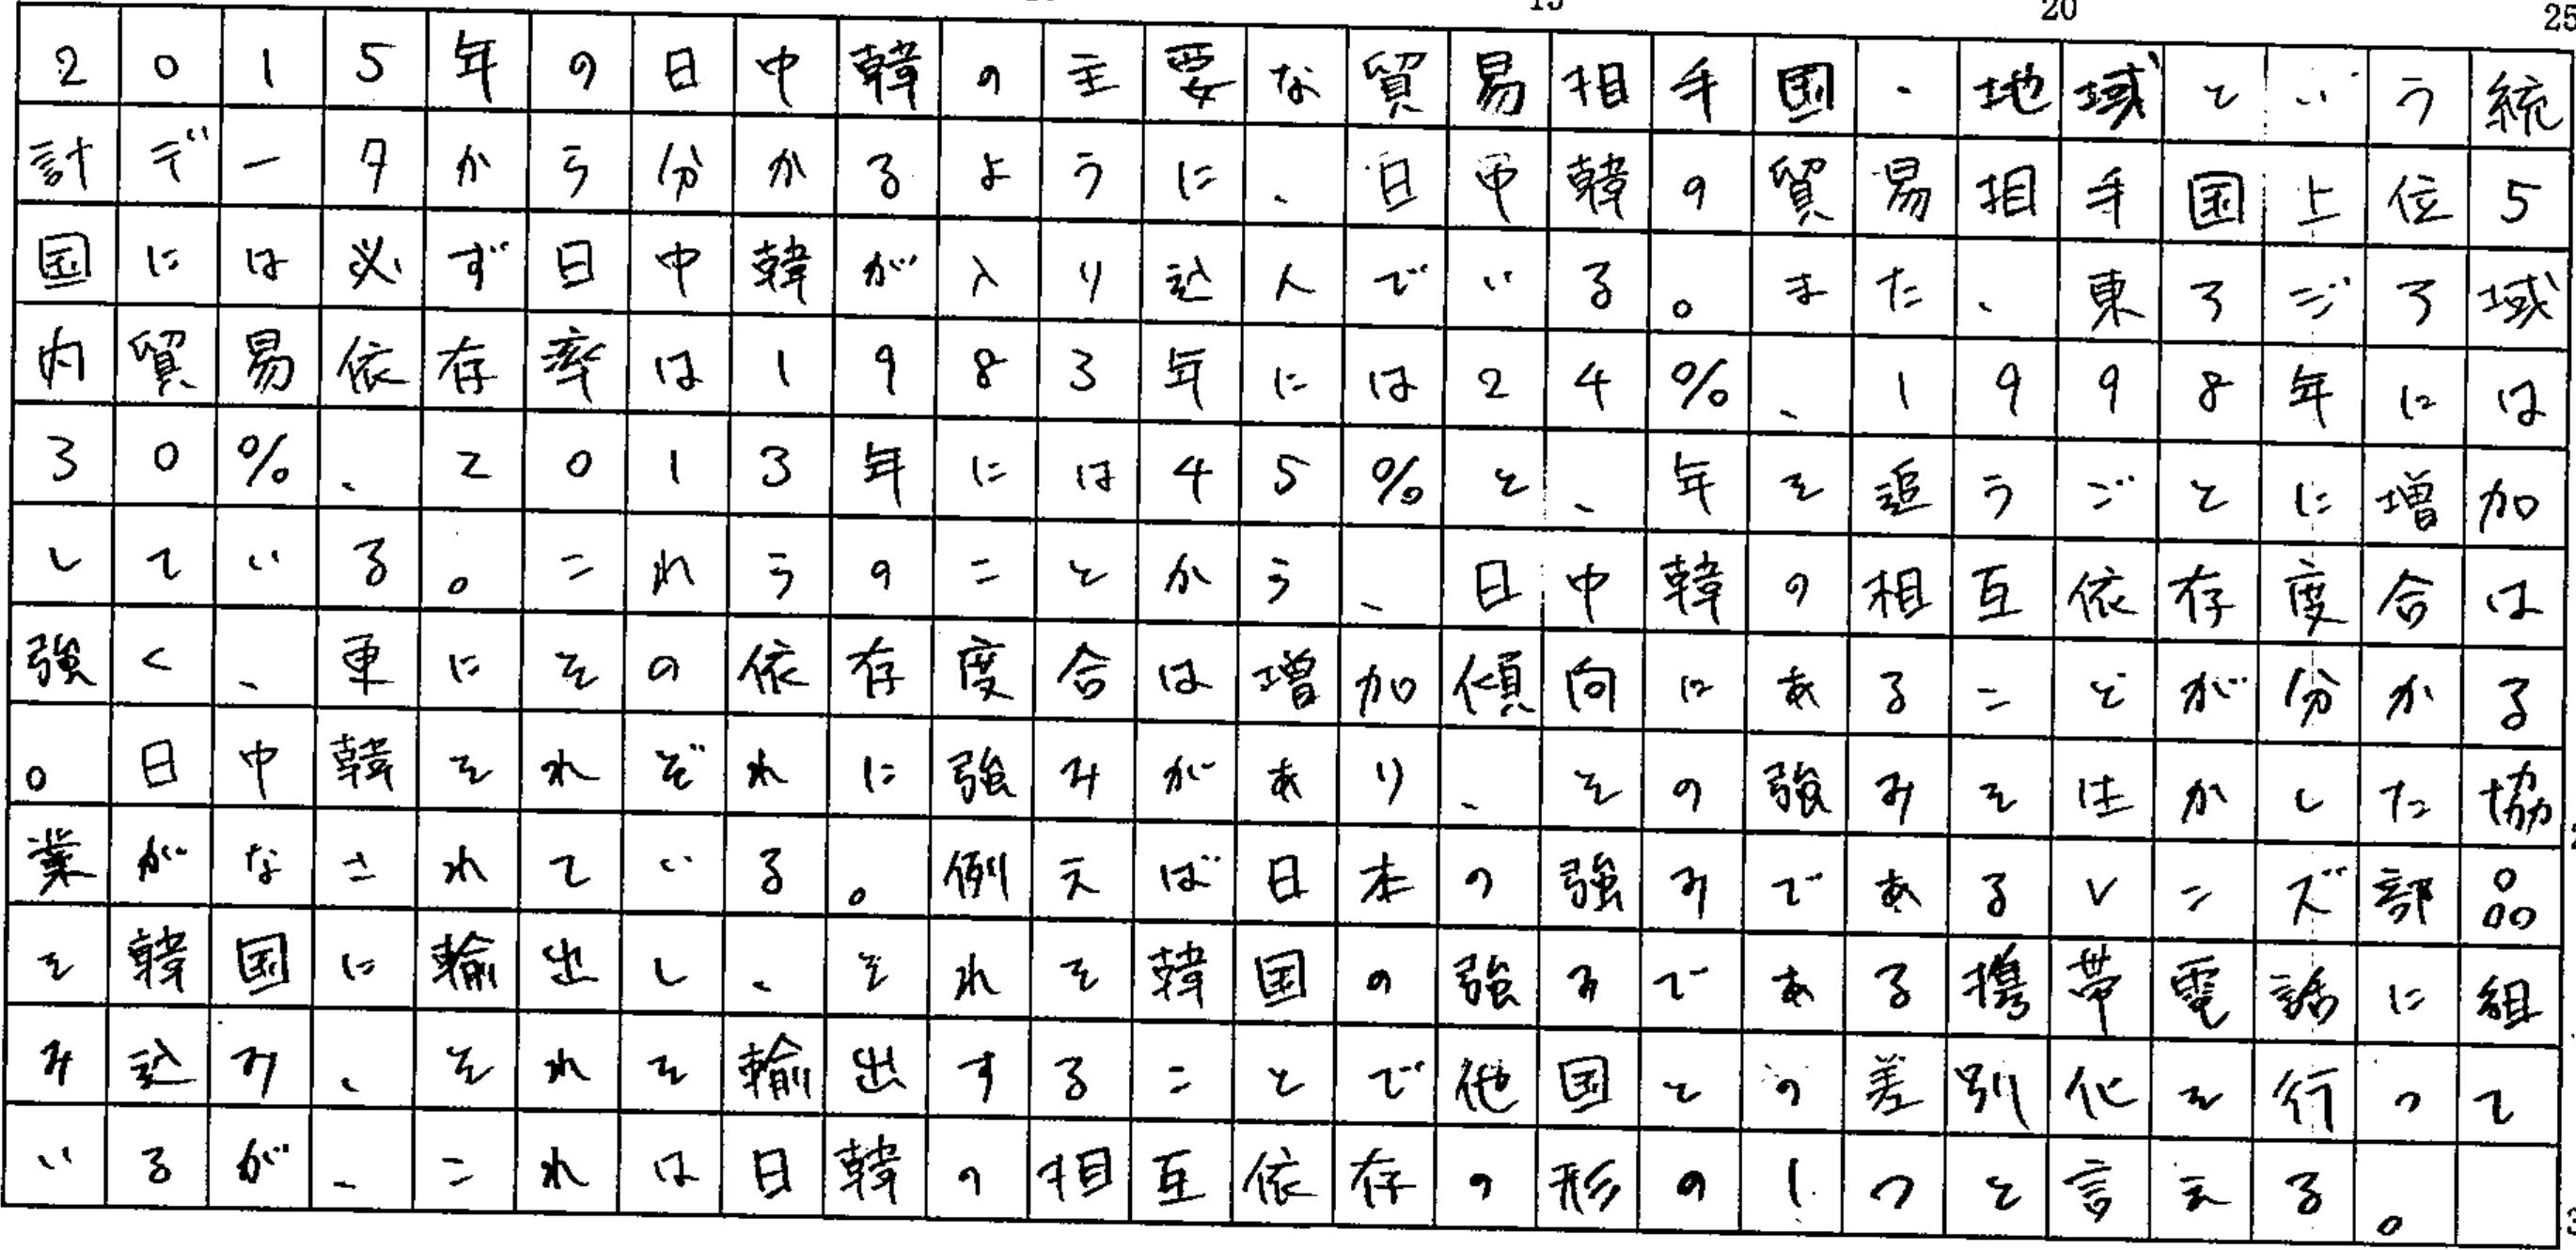２０１５年の日中韓の主要な貿易相手国・地域という統計データから分かるように、日中韓の貿易相手国上位５国には必ず日中韓が入り込んでいる。また、東アジア域内貿易依存率は１９８３年には２４％、１９９８年には３０％、２０１３年には４５％と、年を追うごとに増加している。これらのことから、日中韓の相互依存度合は強く、更にその依存度合は増加傾向にあることが分かる。日中韓それぞれに強みがあり、その強みを生かした協業がなされている。例えば日本の強みであるレンズ部品を韓国に輸出し、それを韓国の強みである携帯電話に組み込み、それを輸出することで他国との差別化を行っているが、これは日韓の相互依存の形の１つと言える。
